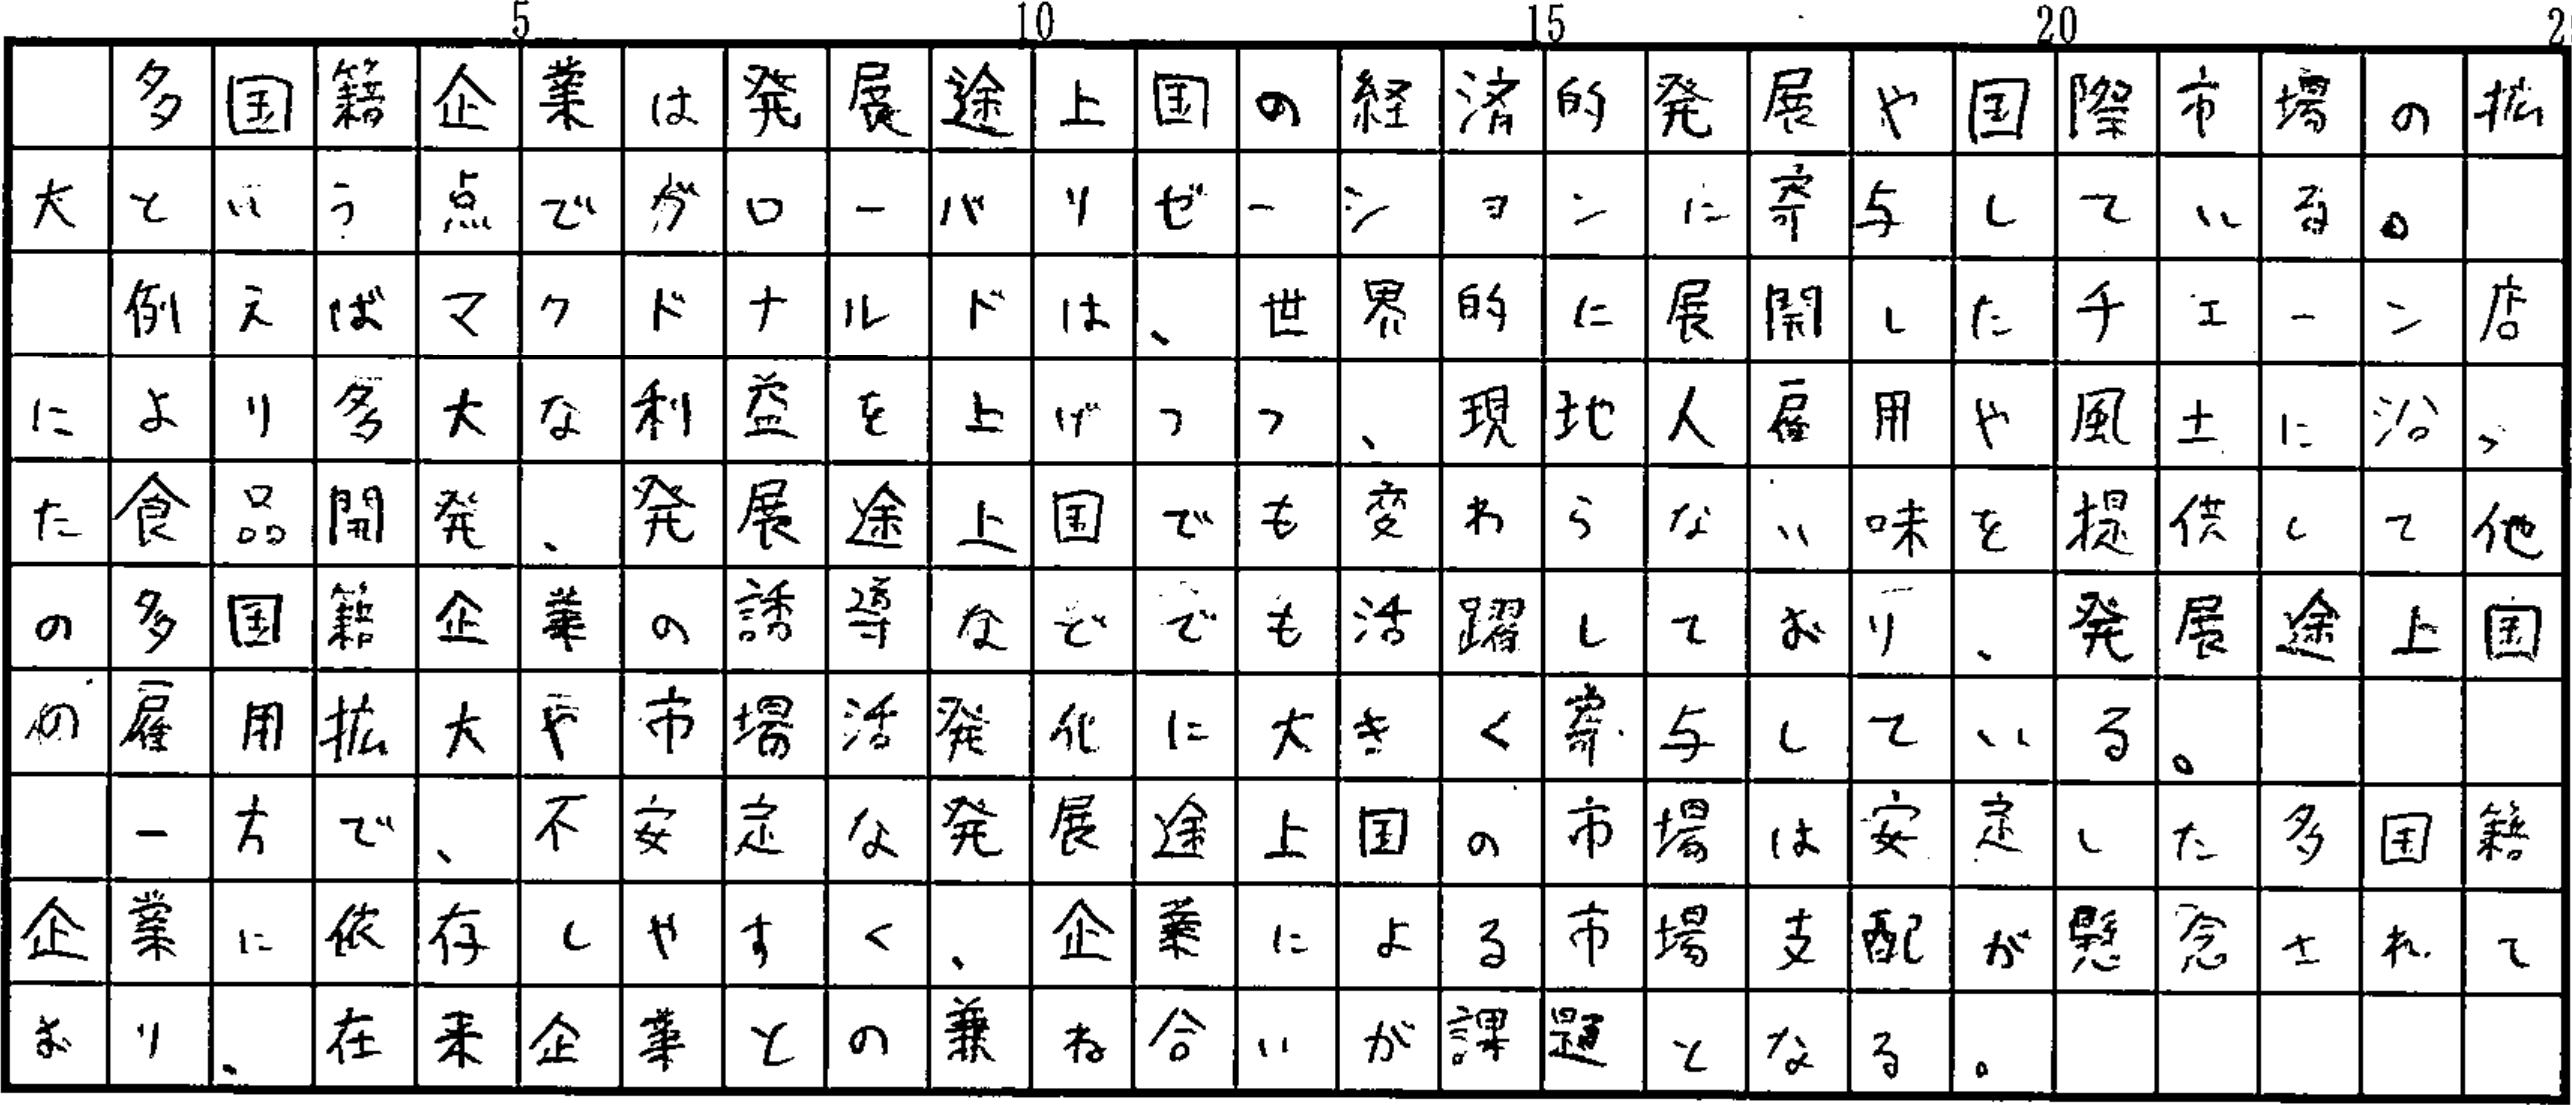　多国籍企業は発展途上国の経済的発展や国際市場の拡大という点でグローバリゼーションに寄与している。
　例えばマクドナルドは、世界的に展開したチェーン店により多大な利益を上げつつ、現地人雇用や風土に沿った食品開発、発展途上国でも変わらない味を提供して他の多国籍企業の誘導などでも活躍しており、発展途上国の雇用拡大や市場活発化に大きく寄与している。
　一方で、不安定な発展途上国の市場は安定した多国籍企業に依存しやすく、企業による市場支配が懸念されており、在来企業との兼ね合いが課題となる。
